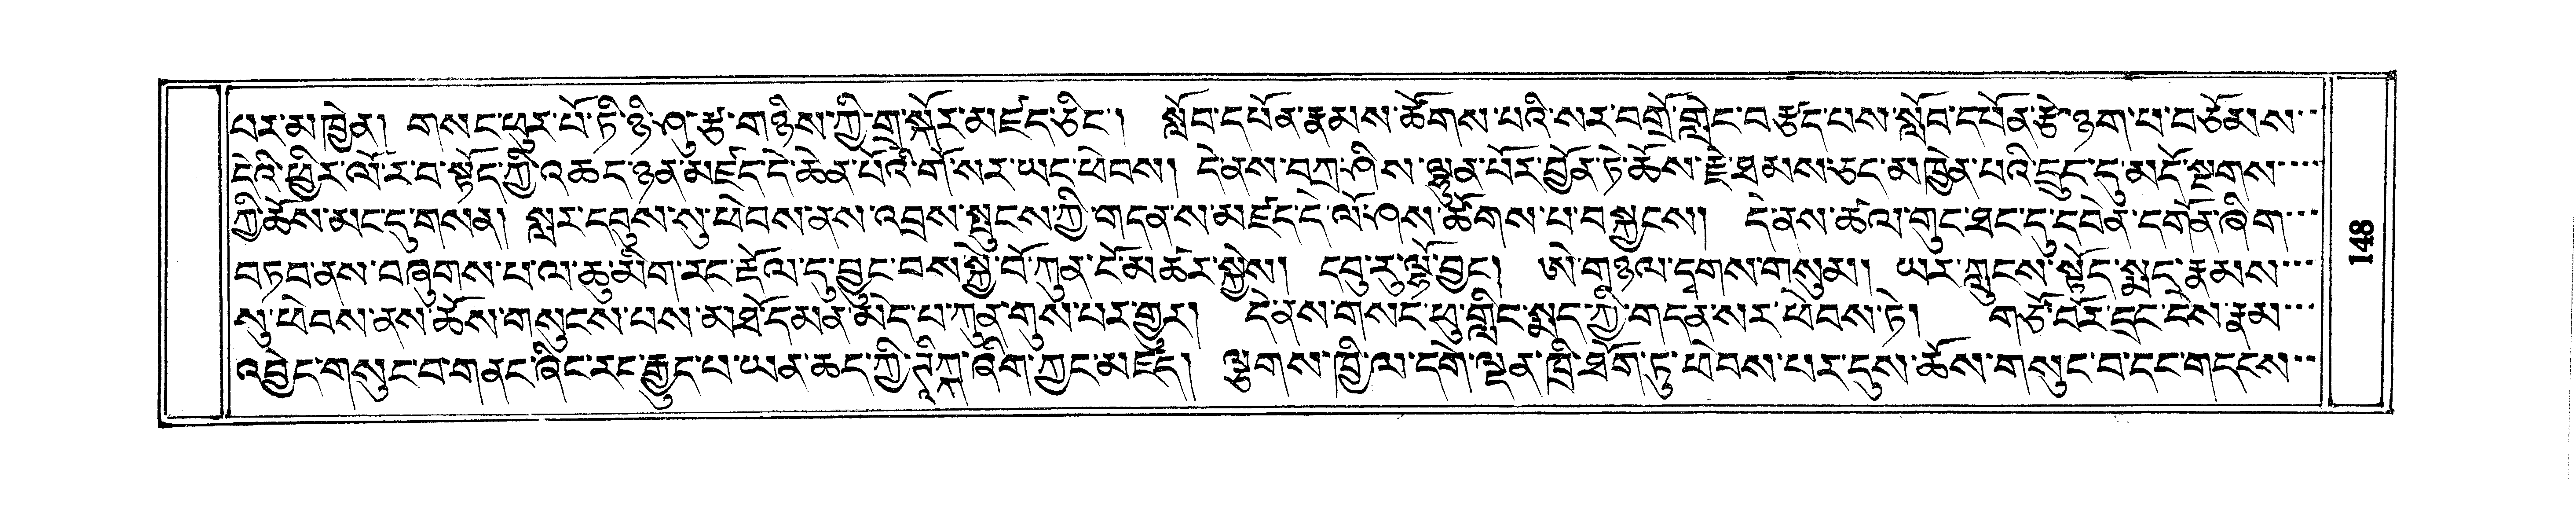པར་མཁྱེན། གསང་ཕུར་པོ་ཏི་ཉི་ཤུ་རྩ་གཉིས་ཀྱི་གྲ་སྐོར་མཛད་ཅིང་། སློབ་དཔོན་རྣམས་ཚོགས་པའི་སར་བགྲོ་གླེང་བརྩད་པས་སློབ་དཔོན་རྩེ་ཉག་པ་བཅོམས་
དེའི་ཕྱིར་ལོ་ར་བ་སྟོད་ཀྱི་འཆད་ཉན་མཛད་དེ་ཆེན་པོའི་གོ་སར་ཡང་ཕེབས། དེ་ནས་བཀྲ་ཤིས་ལྷུན་པོར་བྱོན་ཏེ་ཆོས་རྗེ་ཐམས་ཅད་མཁྱེན་པའི་དྲུང་དུ་མདོ་སྔགས་
ཀྱི་ཆོས་མང་དུ་གསན། སླར་དབུས་སུ་ཕེབས་ནས་འབྲས་སྤུངས་ཀྱི་གདན་ས་མཛད་དེ་ལོ་ཤས་ཚོགས་པ་བསྐྱངས། དེ་ནས་ཚལ་གུང་ཐང་དུ་དབེན་དགོན་ཞིག་
བཏབ་ནས་བཞུགས་པ་ལ་ཆུ་མིག་རང་རྡོལ་དུ་བྱུང་བས་སྐྱེ་བོ་ཀུན་ངོ་མཚར་སྐྱེས། དབུ་རུ་ལྷོ་བྱང་། ཨེ་གཉལ་དྭགས་གསུམ། ཡར་ཀླུངས་སྟོད་སྨད་རྣམས་
སུ་ཕེབས་ནས་ཆོས་གསུངས་པས་མཐོ་དམན་མེད་པ་ཀུན་གུས་པར་གྱུར། དེ་ནས་གསང་ཕུ་གླིང་སྨད་ཀྱི་གདན་སར་ཕེབས་ཏེ། གཙོ་བོར་དྲང་ངེས་རྣམ་
འབྱེད་གསུང་བ་གནང་ཞིང་རང་རྒྱུད་པ་ཡན་ཆད་ཀྱི་ཊཱིཀྐ་ཞིག་ཀྱང་མཛད། ལྕགས་ཁྱི་ལ་དགེ་ལྡན་ཁྲི་ཐོག་ཏུ་ཕེབས་པར་དུས་ཆོས་གསུང་བ་དང་གདངས་